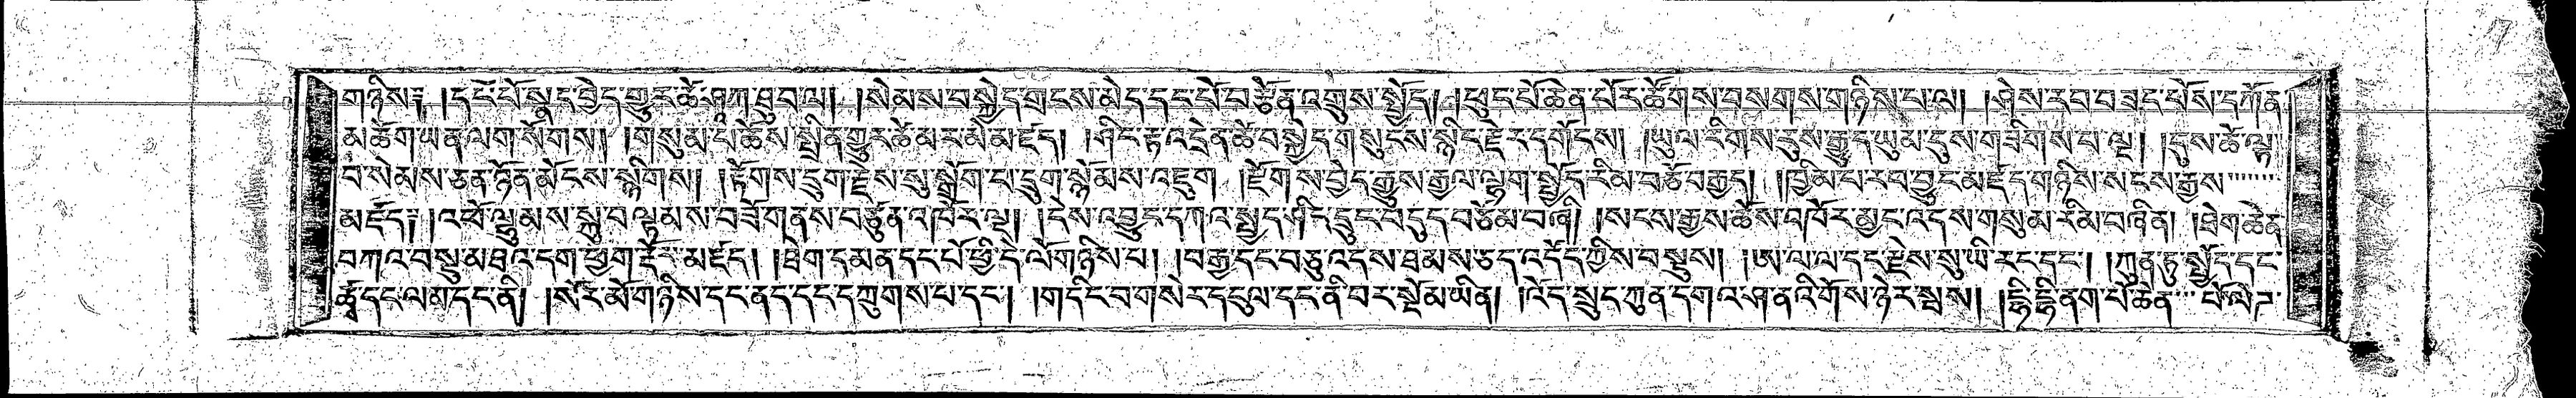གཉིས༑ །དང་པོ་སྣང་བྱེད་གྱུར་ཚེ་ཤྰྐྱ་ཐུབ་ལ། །སེམས་བསྐྱེད་གྲངས་མེད་དང་པོ་བརྩོན་འགྲུས་སྤྱོད། །ཕུང་པོ་ཆེན་པོར་ཚོགས་བསགས་གཉིས་པ་ལ། །ཤེས་རབ་བཟང་པོས་དཀོན་
མཆོག་ཡན་ལག་སོགས། །གསུམ་པ་ཆོས་སྤྲིན་གྱུར་ཚེ་མར་མེ་མཛད། །ཤིང་རྟ་འདྲེན་ཚེ་བསྐྱེད་གསུངས་སྙིང་རྗེར་དགོངས། །ཡུལ་རིགས་རུས་རྒྱུད་ཡུམ་དུས་གཟིགས་པ་ལྔ། །དུས་ཚེ་ལྟ་
བ་སེམས་ཅན་ཉོན་མོངས་སྙིགས། །རྟོགས་དྲུག་རྗེས་སུ་སྒྲོག་པ་དྲུག་སྙོམས་འཇུག །རྫོགས་བྱེད་རྒྱུས་རྒྱལ་ལྷག་སྤྱོད་རིམ་བཅོ་བརྒྱད། །ཁྱིམ་པ་རབ་བྱུང་མཛད་གཉིས་སངས་རྒྱས་
མཛད༑ །འཕོ་ལྷུམས་སྐུ་བལྟམས་བཟོ་གནས་བཙུན་འཁོར་ལྔ། །ངེས་འབྱུང་དཀའ་སྤྱད་ཤིང་དྲུང་བདུད་བཅོམ་བཞི། །སངས་རྒྱས་ཆོས་འཁོར་མྱང་འདས་གསུམ་རིམ་བཞིན། །ཐེག་ཆེན་
བཀའ་བསྡུ་མཐའ་དག་ཕྱག་རྡོར་མཛད། །ཐེག་དམན་དང་པོ་ཕྱི་དེ་ལོ་གཉིས་པ། །བརྒྱ་དང་བཅུ་འདས་ཐམས་ཅད་འདོད་ཀྱིས་བསྡུས། །ཨ་ལ་ལ་དང་རྗེས་སུ་ཡི་རང་དང་། །ཀུན་ཏུ་སྤྱོད་དང་
ཚྭ་དང་ལམ་དང་ནི། །སོར་མོ་གཉིས་དང་ནད་དང་དཀྲུགས་པ་དང་། །གདིང་བ་གསེར་དངུལ་དང་ནི་བར་སྡོམ་ཡིན། །འོད་སྲུང་ཀུན་དགའ་ཤ་ནའི་གོས་ཉེར་སྦས། །དྷི་དྷི་ནག་པོ་ཆེན་པོ་ལེགས་